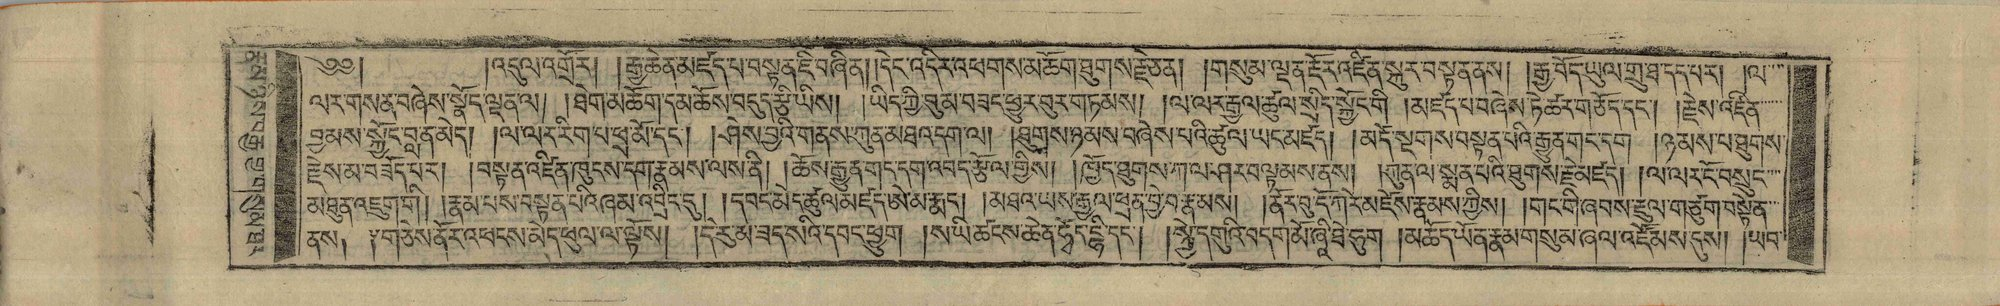༄༅། །འདུལ་འགྲོར། །རྒྱ་ཆེན་མཛད་པ་བསྟན་ཇི་བཞིན། །དེང་འདིར་འཕགས་མཆོག་ཐུགས་རྗེ་ཅན། །གསུམ་ལྡན་རྡོར་འཛིན་སྐུར་བསྟན་ནས། །རྒྱ་བོད་ཡུལ་གྲུ་ཐ་དད་པར། །ལ་
ལར་གསན་བཞེས་སྣོད་ལྡན་ལ། །ཐེག་མཆོག་དམ་ཆོས་བདུད་རྩི་ཡིས། །ཡིད་ཀྱི་བུམ་བཟང་ཕྱུར་བུར་གཏམས། །ལ་ལར་རྒྱལ་ཚུལ་སྲིད་སྐྱོང་གི །མཛད་པ་བཞེས་ཏེ་ཚར་གཅོད་དང་། །རྗེས་འཛིན་
བྱམས་སྐྱོང་བླ་ན་མེད། །ལ་ལར་རིག་པ་ཕྲ་མོ་དང་། །ཤེས་བྱའི་གནས་ཀུན་མཐའ་དག་ལ། །ཐུགས་ཉམས་བཞེས་པའི་ཚུལ་ཡང་མཛད། །མདོ་སྔགས་བསྟན་པའི་རྒྱུན་གང་དག །ཉམས་པ་ཐུགས་
རྗེས་མ་བཟོད་པར། །བསྟན་འཛིན་ཁུངས་དག་རྣམས་ལས་ནི། །ཆོས་རྒྱུན་གང་དག་འབད་རྩོལ་གྱིས། །ཁྱོད་ཐུགས་ཀ་ལ་ཤར་བལྟམས་ནས། །ཀུན་ལ་སྨན་པའི་ཐུགས་རྗེ་མཛད། །ལ་ལར་ངོ་བསྲུང་
མཐུན་འཇུག་གི །རྣམ་པས་བསྟན་པའི་ཞམ་འབྲིང་དུ། །དབང་མེད་ཚུལ་མཛད་ཨེ་མ་རྨད། །མཐའ་ཡས་རྒྱལ་ཕྲན་བྱེ་བ་རྣམས། །ནོར་བུ་དོ་ཀེར་མཛེས་རྣམས་ཀྱིས། །གང་གི་ཞབས་རྡུལ་གཙུག་བསྟེན་
ནས༑ ༑གཅེས་ནོར་འཕངས་མེད་ཕུལ་ལ་ལྟོས། །དེ་རུ་མ་ཟད་སའི་དབང་ཕྱུག །ས་ཡི་ཚངས་ཆེན་ཧྭོང་དྷི་དང་། །སྐྱེ་དགུའི་བདག་མོ་ཞཱི་ཐེ་ཧུག །མཆོད་ཡོན་རྣམ་གསུམ་ཞལ་འཛོམས་དུས། །ཡབ་